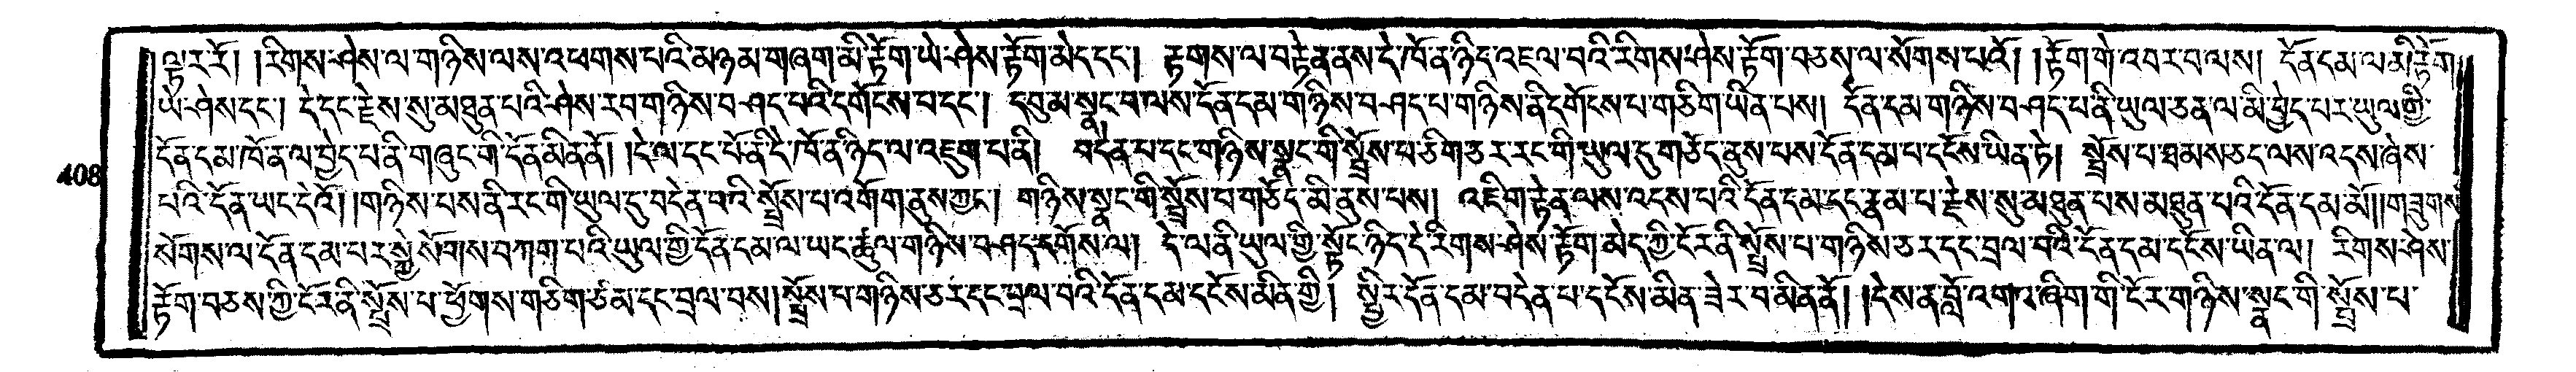ལྟར་རོ། །རིགས་ཤེས་ལ་གཉིས་ལས་འཕགས་པའི་མཉམ་གཞག་མི་རྟོག་ཡེ་ཤེས་རྟོག་མེད་དང་། རྟགས་ལ་བརྟེན་ནས་དེ་ཁོ་ན་ཉིད་འཇལ་བའི་རིགས་ཤེས་རྟོག་བཅས་ལ་སོགས་པའོ། །རྟོག་གེ་འབར་བ་ལས། དོན་དམ་ལ་མི་རྟོག་
ཡེ་ཤེས་དང་། དེ་དང་རྗེས་སུ་མཐུན་པའི་ཤེས་རབ་གཉིས་བཤད་པའི་དགོངས་པ་དང་། དབུ་མ་སྣང་བ་ལས་དོན་དམ་གཉིས་བཤད་པ་གཉིས་ནི་དགོངས་པ་གཅིག་ཡིན་པས། དོན་དམ་གཉིས་བཤད་པ་ནི་ཡུལ་ཅན་ལ་མི་བྱེད་པར་ཡུལ་གྱི་
དོན་དམ་ཁོ་ན་ལ་བྱེད་པ་ནི་གཞུང་གི་དོན་མིན་ནོ། །དེ་ལ་དང་པོ་ནི་དེ་ཁོ་ན་ཉིད་ལ་འཇུག་པ་ནི། བདེན་པ་དང་གཉིས་སྣང་གི་སྤྲོས་པ་ཅིག་ཅར་རང་གི་ཡུལ་དུ་གཅོད་ནུས་པས་དོན་དམ་པ་དངོས་ཡིན་ཏེ། སྤྲོས་པ་ཐམས་ཅད་ལས་འདས་ཞེས་
པའི་དོན་ཡང་དེའི། །གཉིས་པས་ནི་རང་གི་ཡུལ་དུ་བདེན་པའི་སྤྲོས་པ་འགོག་ནུས་ཀྱང་། གཉིས་སྣང་གི་སྤྲོས་པ་གཅོད་མི་ནུས་པས། འཇིག་རྟེན་ལས་འདས་པའི་དོན་དམ་དང་རྣམ་པ་རྗེས་སུ་མཐུན་པས་མཐུན་པའི་དོན་དམ་མོ། །གཟུགས་
སོགས་ལ་དོན་དམ་པར་སྐྱེ་སོགས་བཀག་པའི་ཡུལ་གྱི་དོན་དམ་ལ་ཡང་ཚུལ་གཉིས་བཤད་དགོས་ལ། དེ་ལ་ནི་ཡུལ་གྱི་སྟོང་ཉིད་དེ་རིགས་ཤེས་རྟོག་མེད་ཀྱི་ངོར་ནི་སྤྲོས་པ་གཉིས་ཅར་དང་བྲལ་བའི་དོན་དམ་དངོས་ཡིན་ལ། རིགས་ཤེས་
རྟོག་བཅས་ཀྱི་ངོར་ནི་སྤྲོས་པ་ཕྱོགས་གཅིག་ཙམ་དང་བྲལ་བས། སྤྲོས་པ་ཕྱོགས་གཅིག་ཙམ་དང་བྲལ་བས། སྤྲོས་པ་གཉིས་ཅར་དང་བྲལ་བའི་དོན་དམ་དངོས་མིན་གྱི། སྤྱིར་དོན་དམ་བདེན་པ་དངོས་མིན་ཟེར་བ་མིན་ནོ། །དེས་ན་བློ་འགའ་ཞིག་གི་ངོར་གཉིས་སྣང་གི་སྤྲོས་པ་